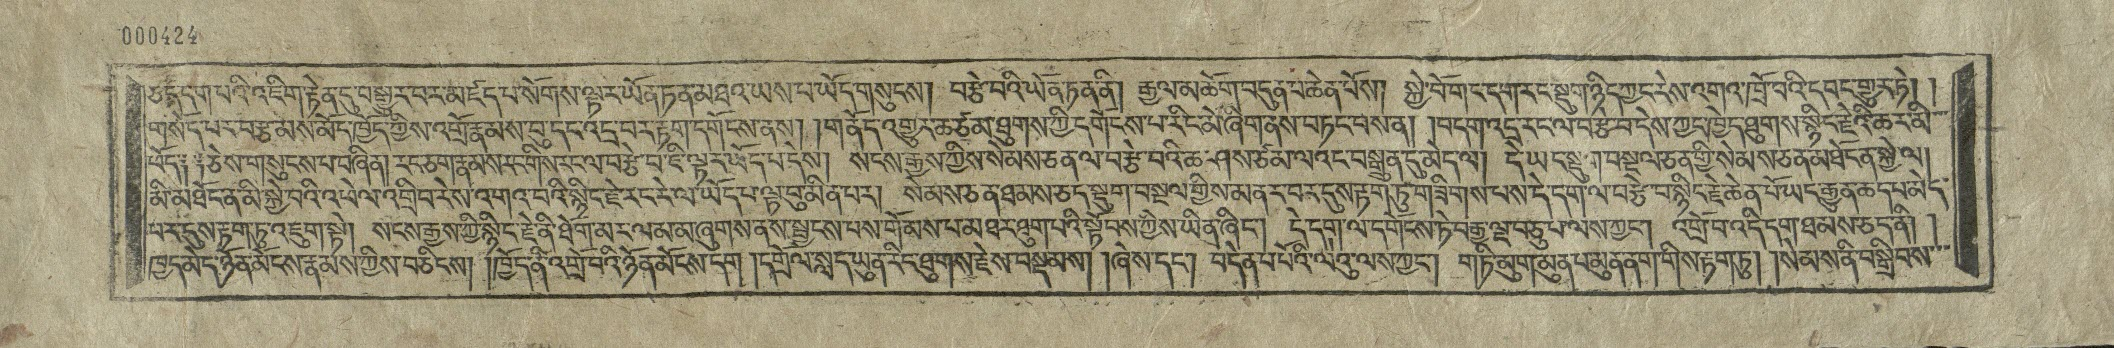ཅད་དག་པའི་འཇིག་རྟེན་དུ་བསྒྱུར་བར་མཛད་པ་སོགས་ལྟར་ཡོན་ཏན་མཐའ་ཡས་པ་ཡོད་གསུངས། བརྩེ་བའི་ཡོན་ཏན་ནི། རྒྱལ་མཆོག་བདུན་པ་ཆེན་པོས། སྐྱེ་བོ་གང་དག་རང་སྡུག་ཉིད་ཀྱང་རེས་འགའ་ཁྲོ་བའི་དབང་གྱུར་ཏེ། །
གསོད་པར་བརྩམས་མོད་ཁྱོད་ཀྱིས་འགྲོ་རྣམས་བུ་དང་འདྲ་བར་རྟག་དགོངས་ནས། །གནོད་འགྱུར་ཆ་ཙམ་ཐུགས་ཀྱི་དགོངས་པ་རིང་མོ་ཞིག་ནས་བཏང་བས་ན། །བདག་འདྲ་རང་ལ་བརྩེ་བ་དེས་ཀྱང་ཁྱེད་ཐུགས་སྙིང་རྗེའི་ཆར་མི་
ཕོད༑ ༑ཅེས་གསུངས་པ་བཞིན། རང་ཅག་རྣམས་རང་གིས་རང་ལ་བརྩེ་བ་ཇི་ལྟར་ཡོད་པ་དེས། སངས་རྒྱས་ཀྱིས་སེམས་ཅན་ལ་བརྩེ་བའི་ཆ་ཤས་ཙམ་ལའང་བསྒྲུན་དུ་མེད་ལ། དེ་ཡང་སྡུག་བསྔལ་ཅན་གྱི་སེམས་ཅན་མཐོང་ན་སྐྱེ་ལ།
མི་མཐོང་ན་མི་སྐྱེ་བའི་འཕེལ་འགྲིབ་རེས་འགའ་བའི་སྙིང་རྗེ་རང་རེ་ལ་ཡོད་པ་ལྟ་བུ་མིན་པར། སེམས་ཅན་ཐམས་ཅད་སྡུག་བསྔལ་གྱིས་མནར་བར་དུས་རྟག་ཏུ་གཟིགས་པས་དེ་དག་ལ་བརྩེ་བ་སྙིང་རྗེ་ཆེན་པོ་ཡང་རྒྱུན་ཆད་པ་མེད་
པར་དུས་རྟག་ཏུ་འཇུག་སྟེ། སངས་རྒྱས་ཀྱི་སྙིང་རྗེ་ནི་ཐོག་མར་ལམ་མ་ཞུགས་ནས་སྦྱངས་པས་གོམས་པ་མཐར་ཐུག་པའི་སྟོབས་ཀྱིས་ཡིན་ཞིང་། དེ་དག་ལ་དགོངས་ཏེ་བརྒྱ་ལྔ་བཅུ་པ་ལས་ཀྱང་། འགྲོ་བ་འདི་དག་ཐམས་ཅད་ནི། །
ཁྱད་མེད་ཉོན་མོངས་རྣམས་ཀྱིས་བཅིངས། །ཁྱོད་ནི་འགྲོ་བའི་ཉོན་མོངས་དག །དགྲོལ་སླད་ཡུན་རིང་ཐུགས་རྗེས་བསྡམས། །ཞེས་དང་། བདེན་པ་པོའི་ལེའུ་ལས་ཀྱང་། གཏི་མུག་མུན་པ་མུན་ནག་གིས་རྟག་ཏུ། །སེམས་ནི་བསྒྲིབས་